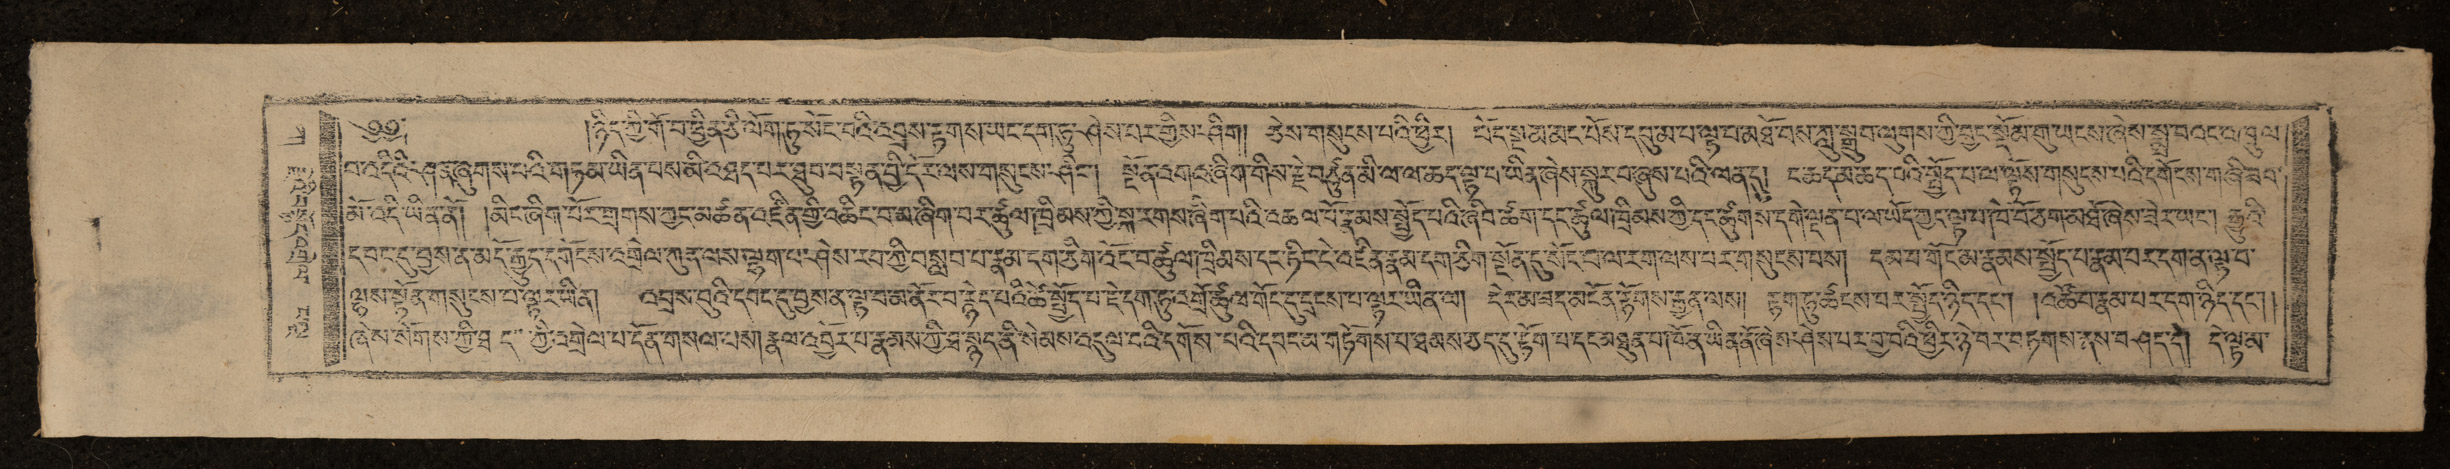༄༅། །ཉིད་ཀྱི་གོ་བ་ཕྱིན་ཅི་ལོག་ཏུ་སོང་བའི་འབྲས་རྟགས་ཡོང་དག་ཏུ་ཤེས་བར་གྱིས་ཤིག། ཅེས་གསུངས་པའི་ཕྱིར། བོད་སྔ་མ་མང་པོས་དབུ་མ་བ་ལྟ་བ་མཐོ་བས་ཀླུ་སྒྲུབ་ལུགས་ཀྱི་བྱང་སྡོམ་གུས་བས་ཞེས་སྨྲ་བའང་འཁྲུལ་
བའི་འདིའི་ཤན་ཞུགས་པའི་གཏམ་ཡིན་པས་མི་འཐད་པར་ཐུབ་བསྟན་བྱི་དོར་ལས་གསུངས་ཤིང་། སྔོན་འགའ་ཞིག་གིས་རྗེ་བཙུན་མི་ལ་ལ་ཆད་ལྟ་བ་ཡིན་ཞེས་སྐུར་བ་ཞུས་པའི་ལན་དུ། ང་ཆད་མཆད་ངའི་སྤྱོད་བ་ལ་སྟོས་གསུངས་པའི་དགོངས་གཞི་ཟབ་
མོ་འདི་ཡིན་ནོ། །མིང་ཞིག་པོར་གྲགས་ཀྱང་མཚན་འཛིན་གྱི་འཆིང་བ་མ་ཞིག་བར་ཚུལ་ཁྲིམས་ཀྱི་སྐ་རགས་ཞིག་བའི་འཆལ་པོ་རྣམས་སྤྱོད་པའི་ཞིབ་ཚག་དང་ཚུལ་ཁྲིམས་ཀྱི་དང་ཚུགས་དགེ་ལྡན་པ་ཡ་ཡོད་ཀྱང་ལྟ་བ་ཁོ་བོ་ཅག་མཐོ་ཞེས་ཟེར་ཡང་། རྒྱུའི་
དབང་དུ་བྱས་ན་མདོ་རྒྱུད་དགོངས་འགྲེལ་ལྷག་པ་ཤེས་རབ་ཀྱི་བསླབ་བ་རྣམ་དག་ཅིག་འོང་བ་ཚུལ་ཁྲིམས་དང་ཏིང་ངེ་འཛིན་རྣམ་དག་ཅིག་སྔོན་དུ་སོང་བ་ལ་རག་ལས་བར་གསུངས་པས། དམ་བ་གོང་མ་རྣམས་སྤྱོད་པ་རྣམ་བར་དག་ན་ལྟ་བུ་
ལྷས་སྟོན་གསུངས་བ་ལྟར་ཡིན། འབྲས་བུའི་དབང་དུ་བྱས་ནས་ལྟ་བ་མ་ནོར་བ་རྙེད་པའི་ཚེ་སྤྱོད་པ་ཇེ་དག་ཏུ་འགྲོ་ཚུལ་གོང་དུ་དྲངས་བ་ལྟར་ཡིན་ལ། དེར་མ་ཟད་མངོན་རྟོགས་རྒྱན་ལས། རྟག་ཏུ་ཚངས་བང་སྦྱོར་ཉིད་དང་། །འཚོ་བ་རྣམ་བར་དག་ཉིད་དང་།
ཞེས་སོགས་ཀྱི་ཐད་ཀྱི་འགྲེལ་པ་དོན་གསལ་ལས། རྣལ་འབྱོར་པ་རྣམས་ཀྱི་ཐ་སྙད་ནི་སེམས་འདུལ་བའི་དགོས་པའི་དབང་མ་གཏོགས་པ་ཐམས་ཅད་དུ་རྟོག་པ་དང་མཐུན་པ་ཁོ་ན་ཡིན་ནོ་ཞེས་ཤེས་པར་བྱ་བའི་ཕྱིར་ཉེ་བར་བཏགས་ནས་བཤད་དེ། དེ་ལྔ་མ་